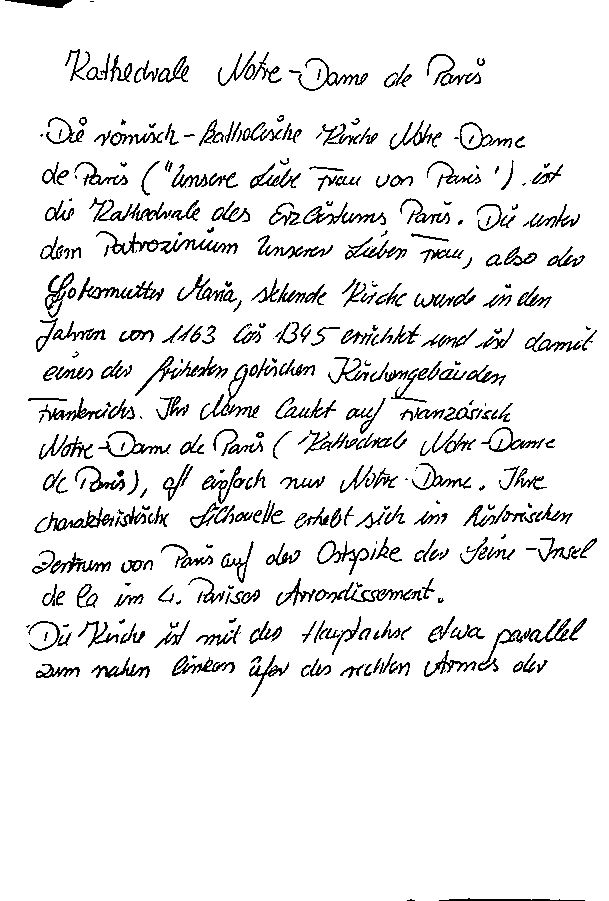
Kathedrale Notre-Dame dde Paris
Die römisch-katholische Kirche Notre-Dame
de Paris ("Unsere Liebe Frau von Paris") ist
die Kathedrale des Erzbistums Paris. Die unter
dem Patrozinium Unserer Lieben Frau, also der
Gottesmutter Maria, stehende Kirche wurde in den
Jahren von 1163 bis 1345 errichtet und ist damit
eines der frühesten gotischen Kirchengebäude
Frankreichs. Ihr Name lautet auf Französisch
Notre-Dame de Paris (Kathedrale Notre-Dame
de Paris), oft einfach nur Notre Dame. Ihre
charakteristische Silhouette erhebt sich im historischen
Zentrum von Paris auf der Ostspitze der Seine-Insel
de la im 4. Pariser Arrondissement.
Die Kirche ist mit der Hauptachse etwa parallel
zum nahen linken Ufer des rechten Armes der
